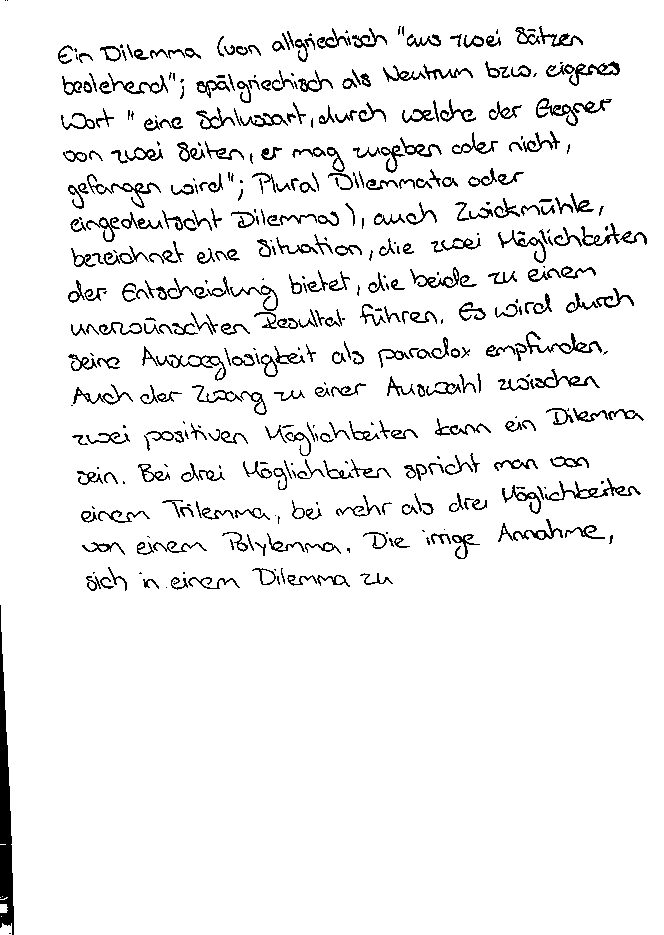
Ein Dilemma ( von altgriechisch "aus zwei Sätzen
bestehend " ; spätgriechisch als Neutrum bzw. eigenes
Wort " eine Schlussart, durch welche der Gegner
von zwei Seiten, er mag zugeben oder nicht,
gefangen wird " ; Plural Dilemmata oder
eingedeutscht Dilemmas ), auch Zwickmühle ,
bezeichnet eine Situation, die zwei Möglichkeiten
der Entscheidung bietet , die beide zu einem
unerwünschten Resultat Führen. Es wird durch
seine Ausweglosigkeit als paradox empfunden.
Auch der Zwang zu einer Auswahl zwischen
zwei positiven Möglichkeiten kann ein Dilemma
sein. Bei drei Möglichkeiten spricht man von
einem Trilemma, bei mehr als drei Möglichkeiten
von einem Polylemma . Die irrige Annahme ,
sich in einem Dilemma zu
